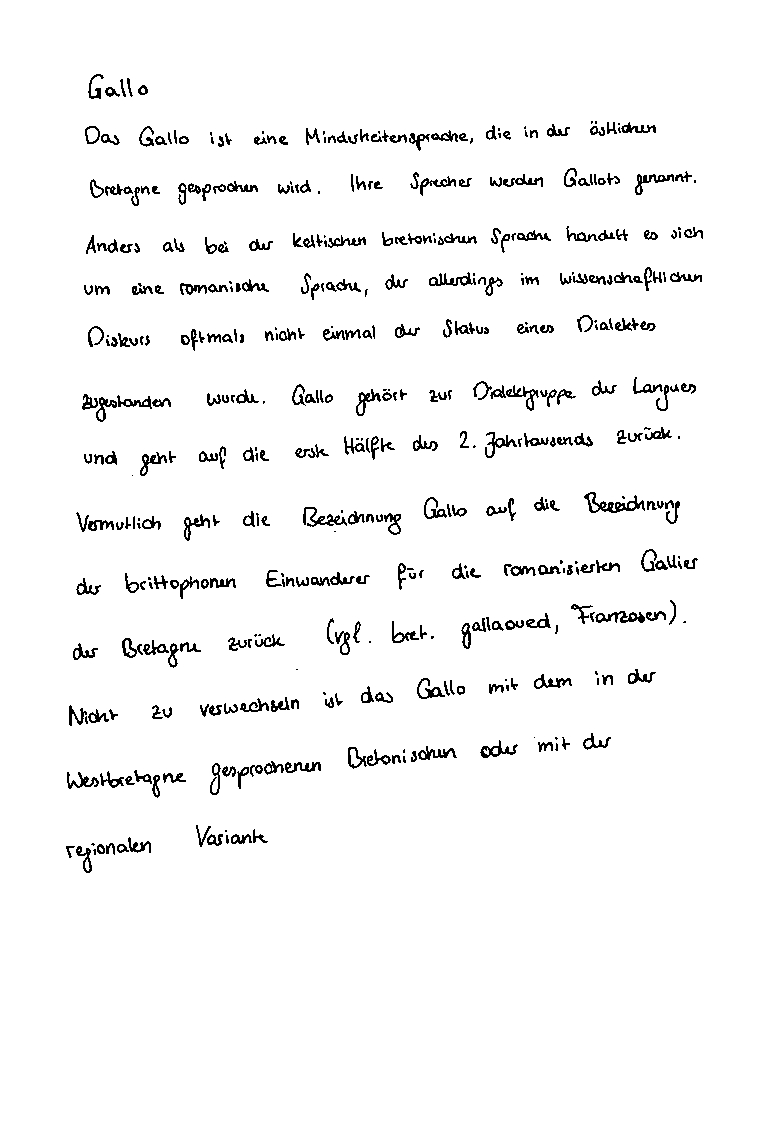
Gallo
Das Gallo ist eine Minderheitensprache, die in der östlichen
Bretagne gesprochen wird. Ihre Sprecher werden Gallots genannt.
Anders als bei der keltischen bretonischen Sprache handelt es sich
um eine romanische Sprache, der allerdings im wissenschaftlichen
Diskurs oftmals nicht einmal der Status eines Dialektes
zugestanden wurde. Gallo gehört zur Dialektgruppe der Langues
und geht auf die erste Hälfte des 2. Jahrtausends zurück.
Vermutlich geht die Bezeichnung Gallo auf die Bezeichnung
der brittophonen Einwanderer für die romanisierten Gallier
der Bretagne zurück (vgl. bret. gallaoued, Franzosen).
Nicht zu verwechseln ist das Gallo mit dem in der
Westbretagne gesprochenen Bretonischen oder mit der
regionalen Variante
